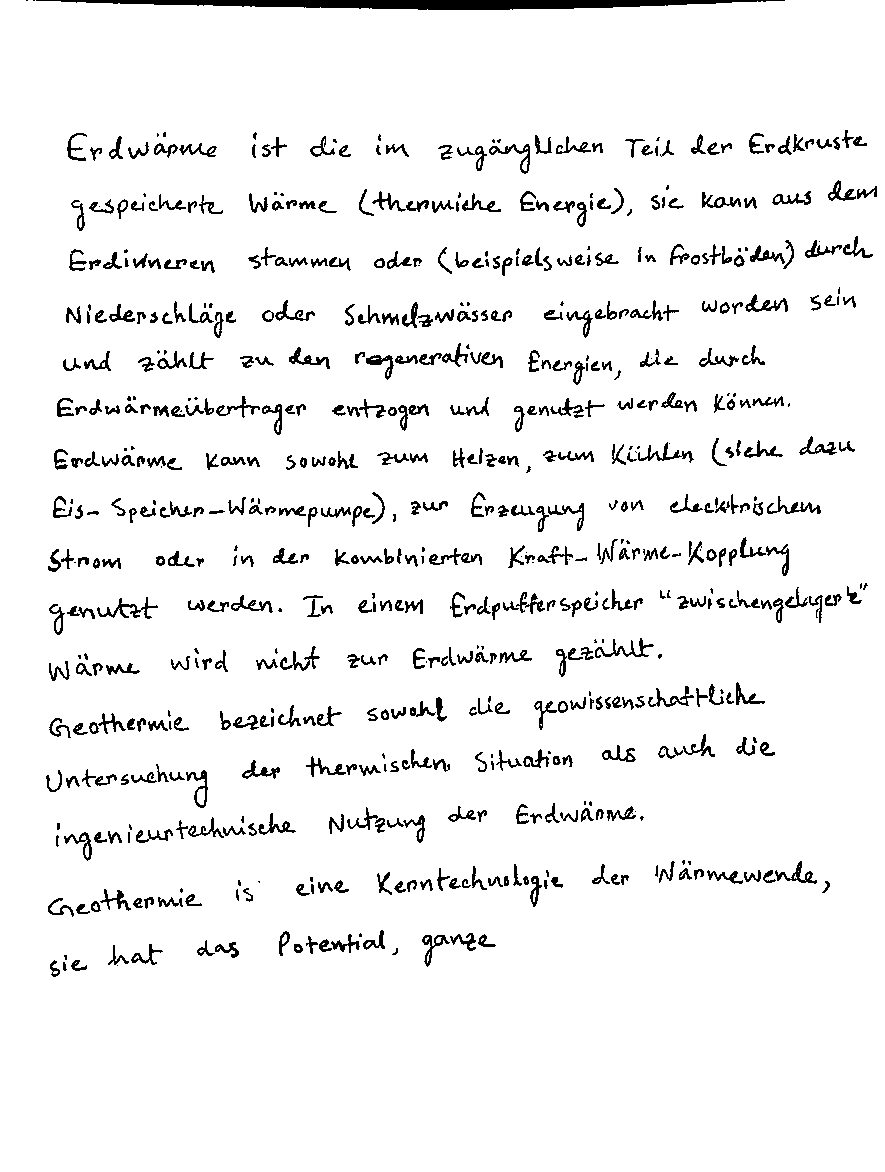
Erdwärme ist die im zugänglichen Teil der Erdkruste
gespeicherte Wärme (thermische Energie), sie kann aus dem
Erdinneren stammen oder (beispielsweise in Frostböden) durch
Niederschläge oder Schmelzwässer eingebracht worden sein
und zählt zu den regenerativen Energien, die durch
Erdwärmeübertrager entzogen und genutzt werden können.
Erdwärme kann sowohl zum Heizen, zum Kühlen (siehe dazu
Eis-Speicher-Wärmepumpe), zur Erzeugung von elektrischem
Strom oder in der kombinierten Kraft-Wärme-Kopplung
genutzt werden. In einem Erdpufferspeicher "zwischengelagerte"
Wärme wird nicht zur Erdwärme gezählt.
Geothermie bezeichnet sowohl die geowissenschaftliche
Untersuchung der thermischen Situation als auch die
ingenieurtechnische Nutzung der Erdwärme.
Geothermie ist eine Kerntechnologie der Wärmewende,
sie hat das Potential, ganze
